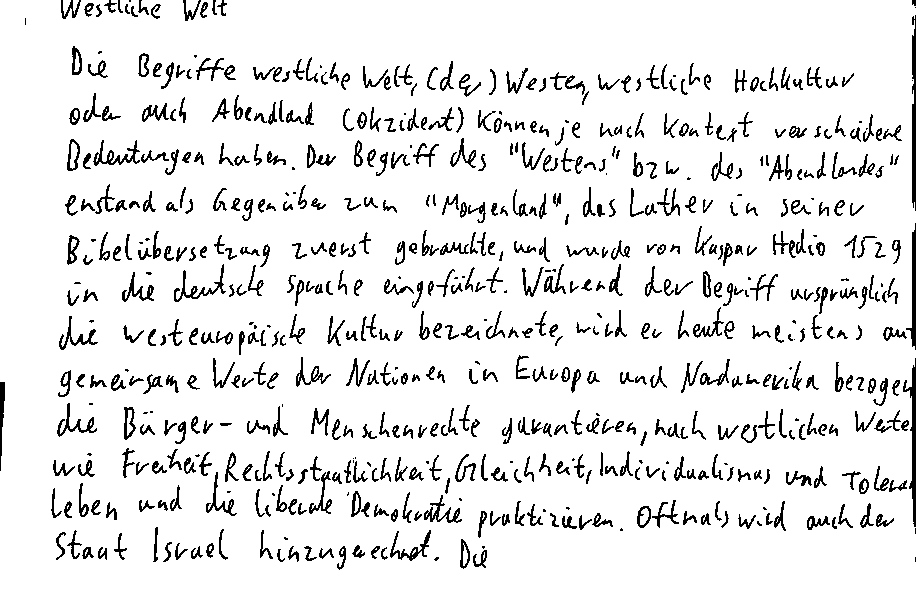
Westliche Welt
Die Begriffe westliche Welt, (der) Westen, westliche Hochkultur
oder auch Abendland (Okzident) können je nach Kontext verschiedene
Bedeutungen haben. Der Begriff des "Westens" bzw. des "Abendlandes"
erstand als Gegenüber zum "Morgenland", das Luther in seiner
Bibelübersetzung zuerst gebrauchte, und wurde von Kaspar Hedio 1529
in die deutsche Sprache eingeführt. Während der Begriff ursprünglich
die westeuropäische Kultur bezeichnete, wird er heute meistens auf
gemeinsame Werte der Nationen in Europa und Nordamerika bezogen
die Bürger- und Menschenrechte garantieren, nach westlichen Werten
wie Freiheit Rechtsstaatlichkeit, Gleichheit, Individualismus und Toleranz
leben und die liberale Demokratie praktizieren. Oftmals wird auch der
Staat Israel hinzugerechnet. Die
